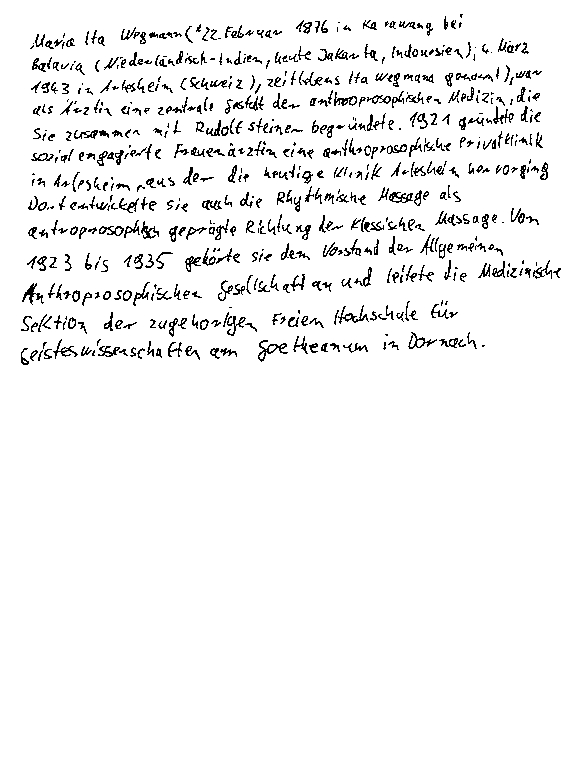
Maria Ita Wegman (* 22 Februar 1876 in Karawang bei
Batavia (Niederländisch-Indien, heute Jakarta, Indonesien); 4 März
1943 in Arlesheim (Schweiz), zeitlebens Ita Wegman genannt), war
als Ärztin eine zentrale Gestalt der anthroposophischen Medizin, die
sie zusammen mit Rudolf Steiner begründete. 1921 gründete die
sozial engagierte Frauenärztin eine anthroposophische Privatklinik
in Arlesheim, aus der die heutige Klinik Arlesheim hervorging.
Dort entwickelte sie auch die Rhythmische Massage als
anthroposophisch geprägte Richtung der Klassischen Massage. Von
1923 bis 1935 gehörte sie dem Vorstand der Allgemeinen
Anthroposophischen Gesellschaft an und leitete die Medizinische
Sektion der zugehörigen Freien Hochschule für
Geisteswissenschaft am Goetheanum in Dornach.
